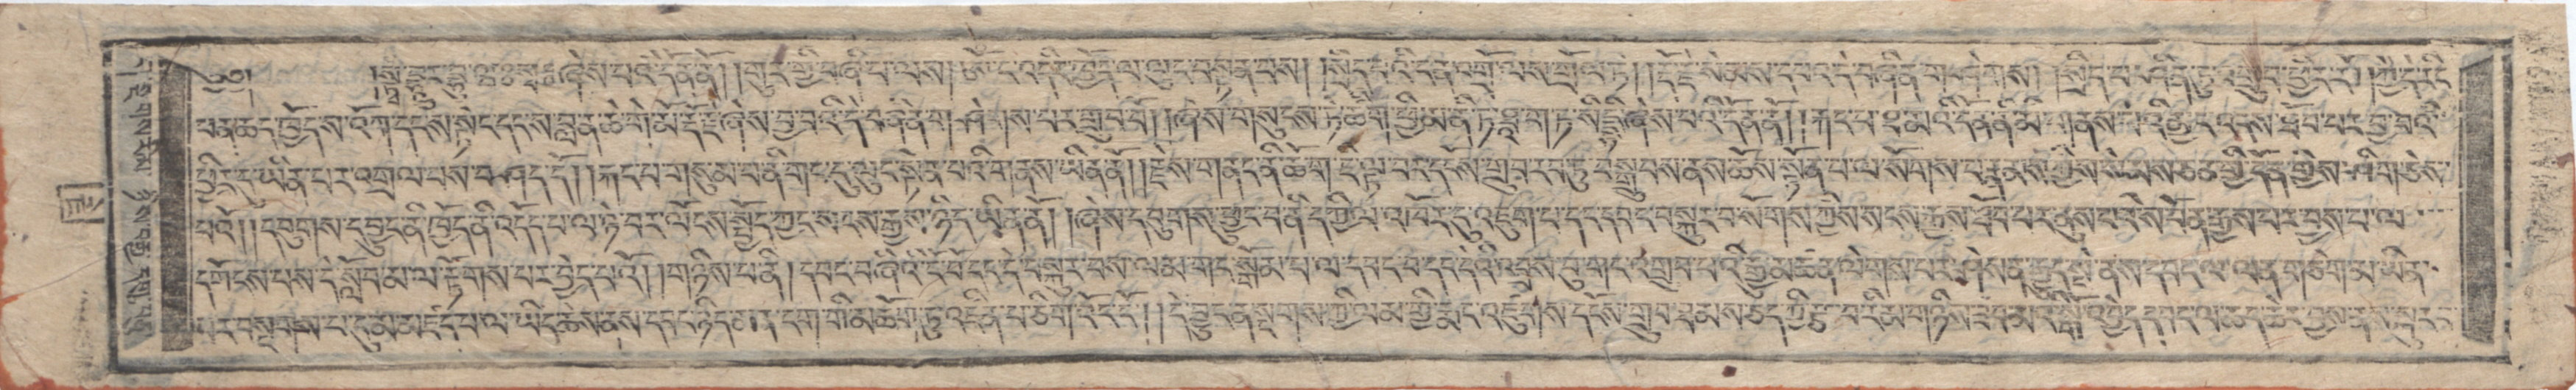༄༅། །སཏཝཾ་བྷཱུར་བྷུ་ཝཿ སྭཿ ཞེས་པའི་དོན་ནོ། །གུར་གྱི་བཞི་པ་ལས། ཨོཾ་ང་འདིར་ཁྱོད་ལ་ལུང་བསྟན་པས། །སྲིད་པའི་ངན་འགྲོ་ལས་གྲོལ་ཏེ། །རྡོ་རྗེ་སེམས་དཔའ་དེ་བཞིན་གཤེགས། །སྲིད་པ་ཤིན་ཏུ་འགྲུབ་ཕྱིར་རོ། །ཀྱཻ་དེ་རིང་
ཕན་ཆད་ཁྱོད་ས་འོག་དང་ས་སྟེང་དང་ས་བླ་ན་ཆེ་གེ་མོ་རྡོ་རྗེ་ཞེས་བྱ་བའི་དེ་བཞིན་གཤེགས་པར་གྲུབ་བོ། །ཞེས་གསུངས་ཏེ་ཚིག་ཕྱི་མ་ནི་ཏ་ཐཱ་ག་ཏ་སིདྡྷི་ཞེས་པའི་དོན་ནོ། །རྐང་པ་ཐ་མའི་དོན་ནི་མི་གནས་པའི་མྱང་འདས་ཐོབ་པར་བྱ་བའི་
ཕྱིར་དུ་ཡིན་པར་འགྲེལ་པས་བཤད་དོ། །རྐང་པ་གསུམ་པ་ནི་གང་དུ་ལུང་སྟོན་པའི་གནས་ཡིན་ནོ། །རྗེས་གནང་ནི་ཆོ་ག་ཇི་ལྟ་བར་དངོས་གྲུབ་རབ་ཏུ་བསྒྲུབས་ནས་ཆོས་སྟོན་པ་ལ་སོགས་པ་རྣམས་ཀྱིས་སེམས་ཅན་གྱི་དོན་གྱིས་ཤིག་ཅེས་
པའོ། །དབུགས་དབྱུང་ནི་ཁྱོད་ནི་འདོད་པ་ལ་ཉེ་བར་ལོངས་སྤྱོད་ཀྱང་སངས་རྒྱས་ཉིད་ཡིན་ནོ། །ཞེས་དབུགས་ཕྱུང་བ་ནི་དཀྱིལ་འཁོར་དུ་འཇུག་པ་དང་དབང་བསྐུར་བ་སོགས་ཀྱིས་སངས་རྒྱས་ཐོབ་པར་ནུས་པའི་ས་བོན་རྒྱས་པར་བྱས་པ་ལ་
དགོངས་པས་དེ་སློབ་མ་ལ་རྟོགས་པར་བྱེད་པའོ། །གཉིས་པ་ནི། དབང་བཞིའི་ངོ་བོ་དང་དེ་བསྐུར་བས་ལམ་གང་སྒོམ་པ་ལ་དབང་བ་དང་དེའི་འབྲས་བུ་གང་འགྲུབ་པའི་རྒྱུ་མཚན་ལེགས་པར་ཤེས་ན་རྒྱུད་སྡེ་ནས་དབང་ལ་ལན་གཅིག་མ་ཡིན་
པར་བསྔགས་པ་དུ་མ་མཛད་པ་ལ་ཡིད་ཆེས་ནས་དབང་ཉིད་མན་ངག་གི་མཆོག་ཏུ་འཛིན་པ་ཅིག་འོང་ངོ། །དེ་བྱུང་ན་སྔགས་ཀྱི་ལམ་གྱི་རྨད་འཛུགས་དངོས་གྲུབ་ཐམས་ཅད་ཀྱི་རྩ་བ་རིམ་གཉིས་ཟབ་མའི་སྒོ་འབྱེད་དབང་ལ་ཆད་ཆེར་བྱས་ནས་སྐུར་བ་